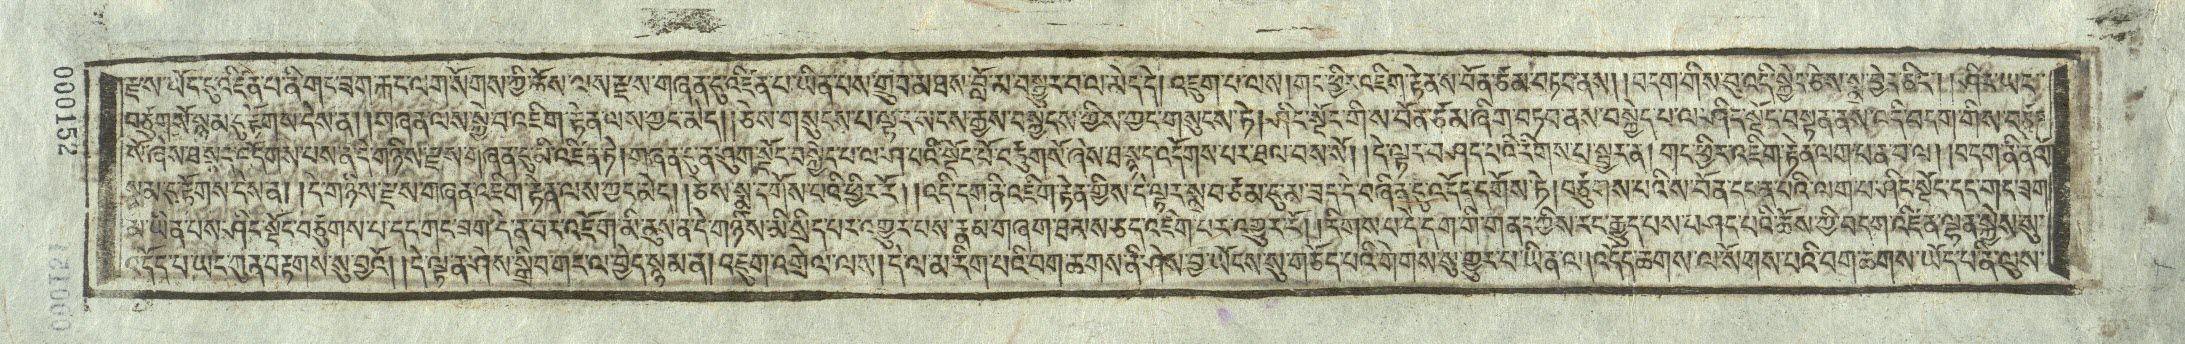རྫས་ཡོད་དུ་འཛིན་པ་ནི་གང་ཟག་རྐང་ལག་སོགས་ཀྱི་ཆོས་ལས་རྫས་གཞན་དུ་འཛིན་པ་ཡིན་པས་གྲུབ་མཐས་བློ་མ་བསྒྱུར་བ་ལ་མེད་དེ། འཇུག་པ་ལས། གང་ཕྱིར་འཇིག་རྟེན་ས་བོན་ཙམ་བཏབ་ནས། །བདག་གིས་བུ་འདི་སྐྱེད་ཅེས་སྨྲ་བྱེད་ཅིང་། །ཤིང་ཡང་
བཙུགས་སོ་སྙམ་དུ་རྟོགས་དེས་ན། །གཞན་ལས་སྐྱེ་བ་འཇིག་རྟེན་ལས་ཀྱང་མེད། །ཅེས་གསུངས་པ་ལྟར་སངས་རྒྱས་བསྐྱངས་ཀྱིས་ཀྱང་གསུངས་ཏེ། ཤིང་སྡོང་གི་ས་བོན་ཙམ་ཞིག་བཏབ་ནས་བསྐྱེད་པ་ལ་ཤིང་སྡོང་བསྟན་ནས་འདི་བདག་གིས་བཙུགས་
སོ་ཞེས་ཐ་སྙད་འདོགས་པས་ན་དེ་གཉིས་རྫས་གཞན་དུ་མི་འཛིན་ཏེ། གཞན་དུ་ན་ཤུག་སྡོང་བསྐྱེད་པ་ལ་ཤ་བའི་སྡོང་པོ་བཙུགས་སོ་ཞེས་ཐ་སྙད་འདོགས་པར་ཐལ་བས་སོ། །དེ་ལྟར་བཤད་པའི་རིགས་པ་སྦྱར་ན། གང་ཕྱིར་འཇིག་རྟེན་ལག་པ་ན་བ་ལ། །བདག་ནི་ནའོ་
སྙམ་དུ་རྟོགས་དེས་ན། །དེ་གཉིས་རྫས་གཞན་འཇིག་རྟེན་ལས་ཀྱང་མེད། །ཅེས་སྨྲ་དགོས་པའི་ཕྱིར་རོ། །འདི་དག་ནི་འཇིག་རྟེན་གྱིས་དེ་ལྟར་སྨྲ་བ་ཙམ་དུ་མ་ཟད་དེ་བཞིན་དུ་འདོད་དགོས་ཏེ། བཙུགས་པའི་ས་བོན་དང་ན་བའི་ལག་པ་ཤིང་སྡོང་དང་གང་ཟག་
མ་ཡིན་པས་ཤིང་སྡོང་བཙུགས་པ་དང་གང་ཟག་དེ་ན་བར་འཇོག་མི་ནུས་ན་དེ་གཉིས་མི་སྲིད་བར་འགྱུར་བས་རྣམ་གཞག་ཐམས་ཅད་འཇིག་པར་འགྱུར་རོ། །རིགས་པ་དེ་དག་གི་གནད་ཀྱིས་རང་རྒྱུད་པས་བཤད་པའི་ཆོས་ཀྱི་བདག་འཛིན་ལྷན་སྐྱེས་སུ་
འདོད་པ་ཡང་ཀུན་བརྟགས་སུ་བྱའོ། །དེ་ལྟ་ན་ཤེས་སྒྲིབ་གང་ལ་བྱེད་སྙམ་ན། འཇུག་འགྲེལ་ལས། དེ་ལ་མ་རིག་པའི་བག་ཆགས་ནི་ཤེས་བྱ་ཡོངས་སུ་གཅོད་པའི་གེགས་སུ་གྱུར་པ་ཡིན་ལ། འདོད་ཆགས་ལ་སོགས་པའི་བག་ཆགས་ཡོད་པ་ནི་ལུས་